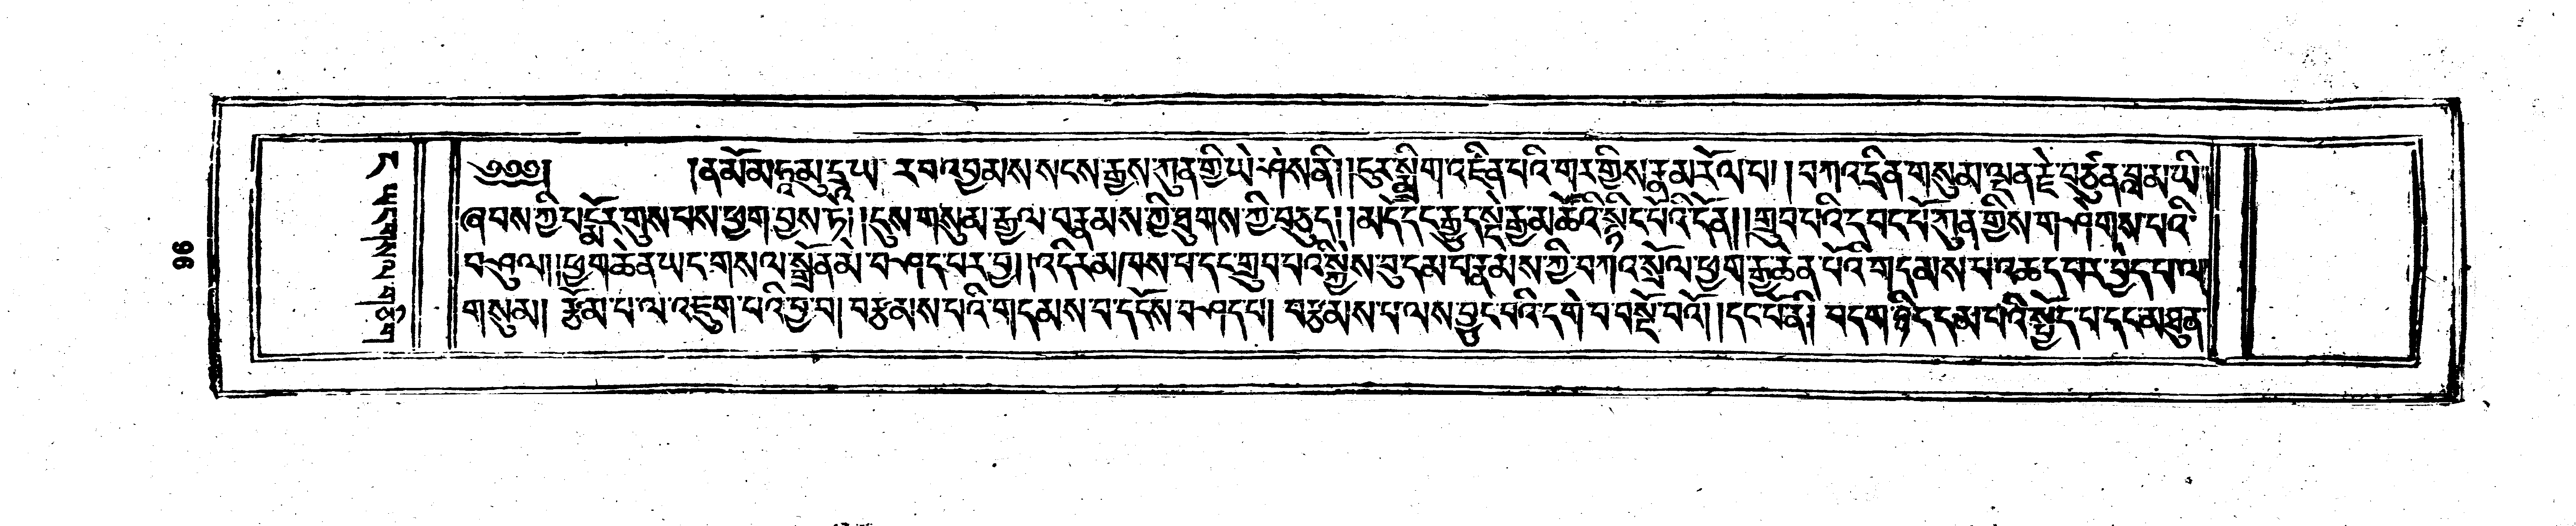༄༅༅། །ན་མོ་མ་ཧཱ་མུ་དྲཱ་ཡ། རབ་འབྱམས་སངས་རྒྱས་ཀུན་གྱི་ཡེ་ཤེས་ནི། །ངུར་སྨྲིག་འཛིན་པའི་གར་གྱིས་རྣམ་རོལ་པ། །བཀའ་དྲིན་གསུམ་ལྡན་རྗེ་བཙུན་བླ་མ་ཡི།།
ཞབས་ཀྱི་པདམོར་གུས་པས་ཕྱག་བྱས་ཏེ། །དུས་གསུམ་རྒྱལ་བ་རྣམས་ཀྱི་ཐུགས་ཀྱི་བཅུད། །མདོ་དང་རྒྱུད་སྡེ་རྒྱ་མཚོའི་སྙིང་པོའི་དོན། །གྲུབ་པའི་དབང་པོ་ཀུན་གྱིས་གཤེགས་པའི་
བཤུལ། །ཕྱག་ཆེན་ཡང་གསལ་སྒྲོན་མེ་བཤད་པར་བྱ། །འདིར་མཁས་པ་དང་གྲུབ་པའི་སྐྱེས་བུ་དམ་པ་རྣམས་ཀྱི་བཀའ་སྲོལ་ཕྱག་རྒྱ་ཆེན་པོའི་གདམས་པ་འཆད་པར་བྱེད་པ་ལ་
གསུམ། རྩོམ་པ་ལ་འཇུག་པའི་བྱ་བ། བརྩམས་པའི་གདམས་པ་དངོས་བཤད་པ། བརྩམས་པ་ལས་བྱུང་བའི་དགེ་བ་བསྔོ་བའོ། །དང་པོ་ནི། བདག་ཉིད་དམ་པའི་སྤྱོད་པ་དང་མཐུན་